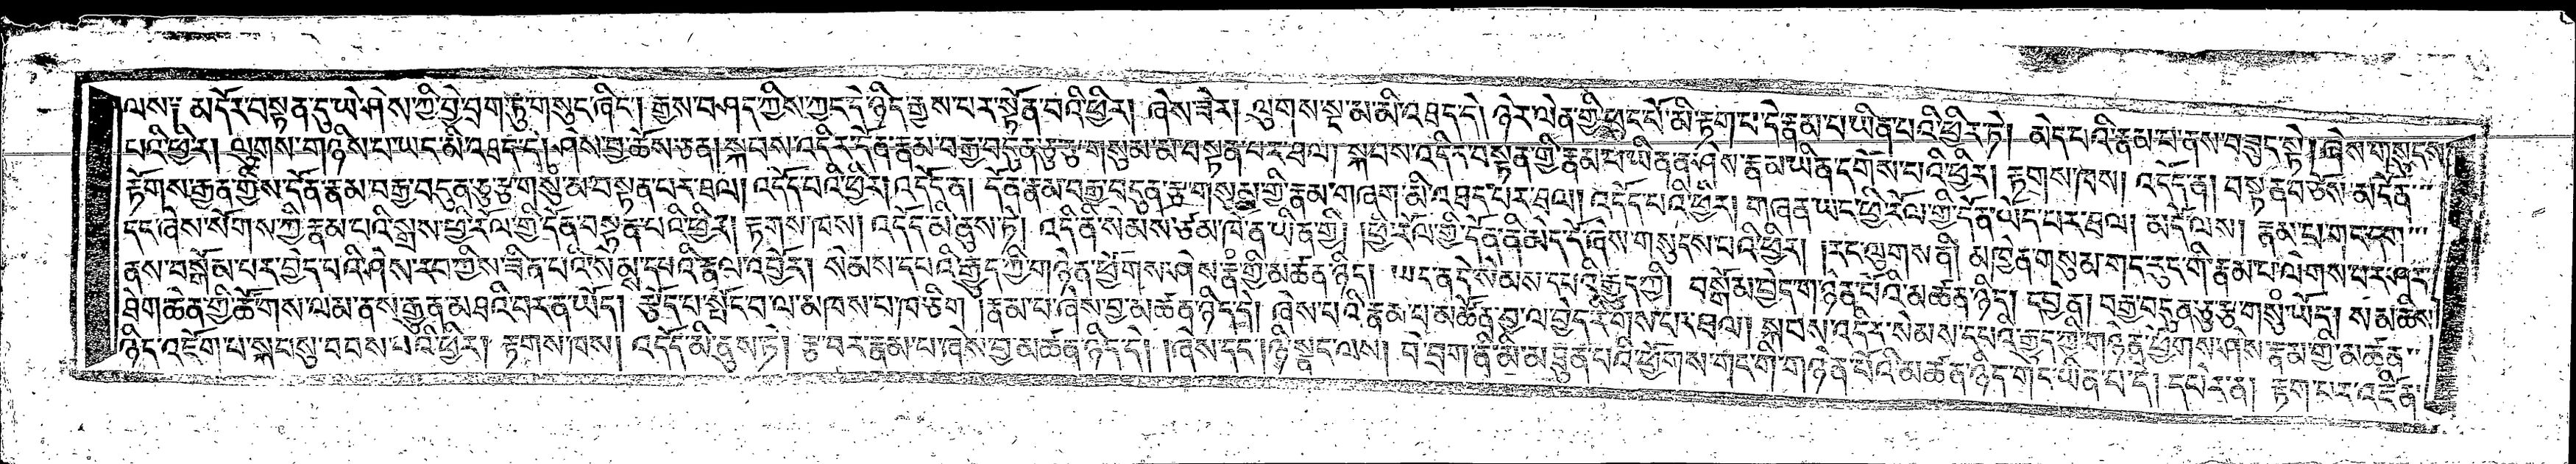ལས༑ མདོར་བསྟན་དུ་ཡེ་ཤེས་ཀྱི་བྱེ་བྲག་ཏུ་གསུང་ཞིང་། རྒྱས་བཤད་ཀྱིས་ཀྱང་དེ་ཉིད་རྒྱས་པར་སྟོན་པའི་ཕྱིར། ཞེས་ཟེར། ལུགས་སྔ་མ་མི་འཐད་དེ། ཉེར་ལེན་གྱི་ཕུང་པོ་མི་རྟག་པ་དེ་རྣམ་པ་ཡིན་པའི་ཕྱིར་ཏེ། མེད་པའི་རྣམ་པ་ནས་བཟུང་སྟེ། ཞེས་གསུངས་
པའི་ཕྱིར། ལུགས་གཉིས་པ་ཡང་མི་འཐད་དེ། ཤེས་བྱ་ཆོས་ཅན། སྐབས་འདིར་དོན་རྣམ་བརྒྱ་བདུན་ཅུ་རྩ་གསུམ་མ་བསྟན་པར་ཐལ། སྐབས་འདིར་བསྟན་གྱི་རྣམ་པ་ཡིན་ན་ཤེས་རྣམ་ཡིན་དགོས་པའི་ཕྱིར། རྟགས་ཁས། འདོད་ན། བསྟན་བཅོས་མངོན་
རྟོགས་རྒྱན་གྱིས་དོན་རྣམ་བརྒྱ་བདུན་ཅུ་རྩ་གསུམ་མ་བསྟན་པར་ཐལ། འདོད་པའི་ཕྱིར། འདོད་ན། དོན་རྣམ་བརྒྱད་བདུན་རྩ་གསུམ་གྱི་རྣམ་གཞག་མི་འཐད་པར་ཐལ། འདོད་པའི་ཕྱིར། གཞན་ཡང་ཕྱི་རོལ་གྱི་དོན་ཡོད་པར་ཐལ། མདོ་ལས། རྣམ་པ་གང་དག་
དང་ཤེས་སོགས་ཀྱི་རྣམ་པའི་སྒྲས་ཕྱི་རོལ་གྱི་དོན་བསྟན་པའི་ཕྱིར། རྟགས་ཁས། འདོད་མི་ནུས་ཏེ། འདི་ནི་སེམས་ཙམ་ཁོ་ན་ཡིན་གྱི། །ཕྱི་རོལ་གྱི་དོན་ནི་མེད་དོ་ཞེས་གསུངས་པའི་ཕྱིར། །རང་ལུགས་ནི། མཁྱེན་གསུམ་གང་རུང་གི་རྣམ་པ་ལེགས་པར་ཤར་
ནས་སྒོམ་པར་བྱེད་པའི་ཤེས་རབ་ཀྱིས་ཟིན་པའི་སེམས་དཔའི་རྣལ་འབྱོར། སེམས་དཔའི་རྒྱུད་ཀྱི་གཉེན་ཕྱོགས་ཤེས་རྣམ་གྱི་མཚན་ཉིད། ཡང་ན་དེ་སེམས་དཔའི་རྒྱུད་ཀྱི། སྒོམ་བྱེད་གཉེན་པོའི་མཚན་ཉིད། དབྱེ་ན། བརྒྱ་བདུན་ཅུ་རྩ་གསུམ་ཡོད། ས་མཆིས་
ཐེག་ཆེན་གྱི་ཚོགས་ལམ་ནས་རྒྱུན་མཐའི་བར་ན་ཡོད། རྩོད་པ་སྤོང་བ་ལ་མཁས་པ་ཁ་ཅིག །རྣམ་པ་ཞེས་བྱ་མཚན་ཉིད་དེ། ཞེས་པའི་རྣམ་པ་མཚོན་བྱ་ལ་བྱེད་རིགས་པར་ཐལ། སྐབས་འདིར་སེམས་དཔའི་རྒྱུད་ཀྱི་གཉེན་ཕྱོགས་ཤེས་རྣམ་གྱི་མཚན་
ཉིད་འཇོག་པ་སྐབས་སུ་བབས་པའི་ཕྱིར། རྟགས་ཁས། འདོད་མི་ནུས་ཏེ། རྩ་བར་རྣམ་པ་ཞེས་བྱ་མཚན་ཉིད་དེ། །ཞེས་དང་། ཉི་སྣང་ལས། བྱེ་བྲག་ནི་མི་མཐུན་པའི་ཕྱོགས་གང་གི་གཉེན་པོའི་མཚན་ཉིད་གང་ཡིན་པ་དེ། དཔེར་ན། རྟག་པར་འཛིན་